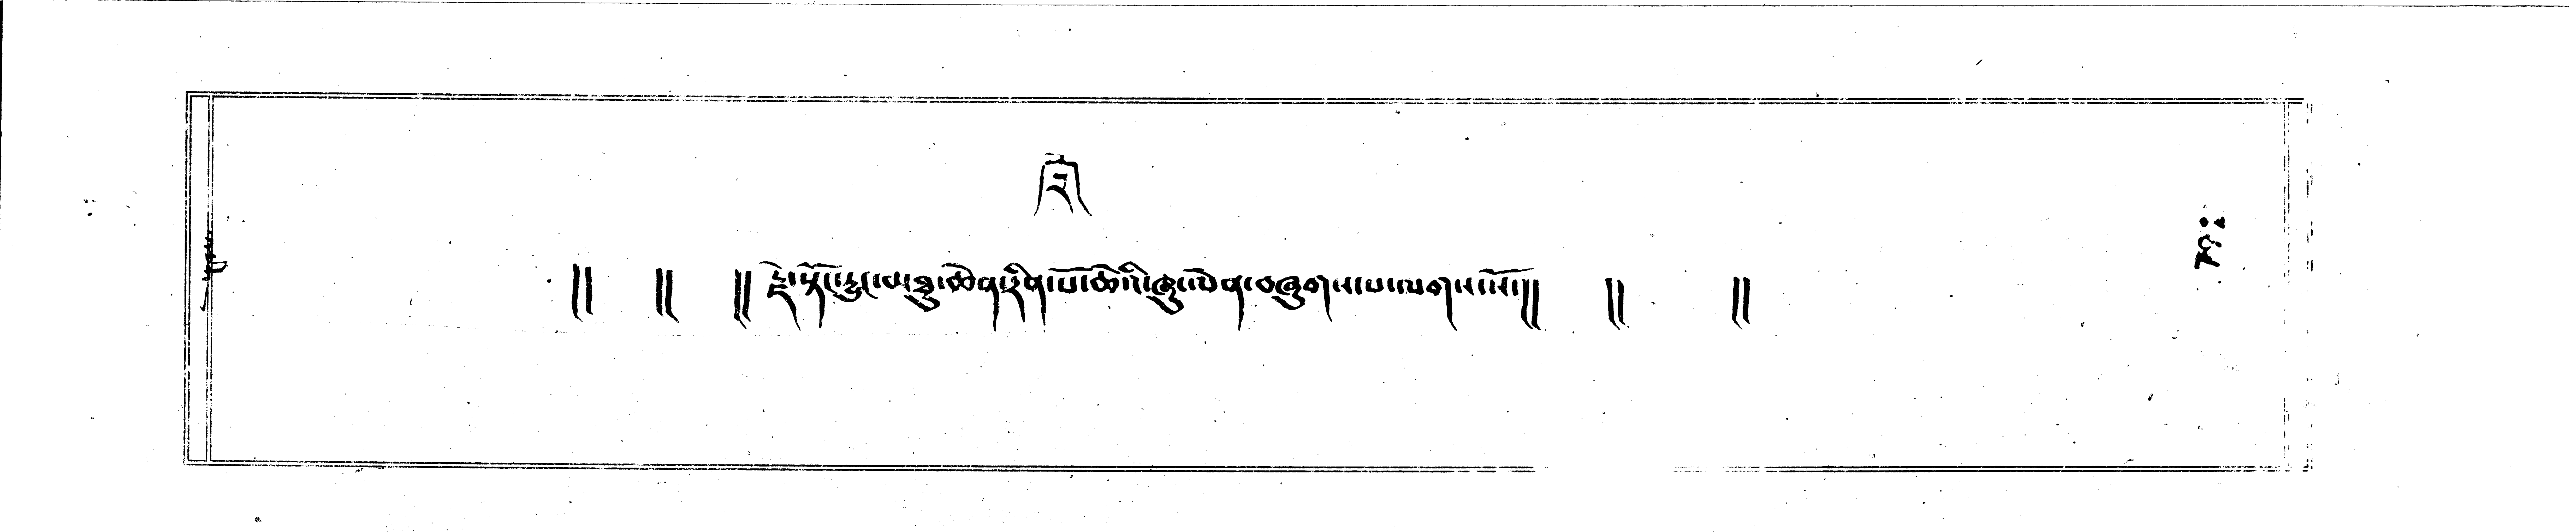༼ར༽།།རྗེ་སྟོང་རྒྱུང་མཐུ་ཆེན་རིན་པོ་ཆེའི་ཞུ་ལེན་བཞུགས་པ་ལགས་སོ།།